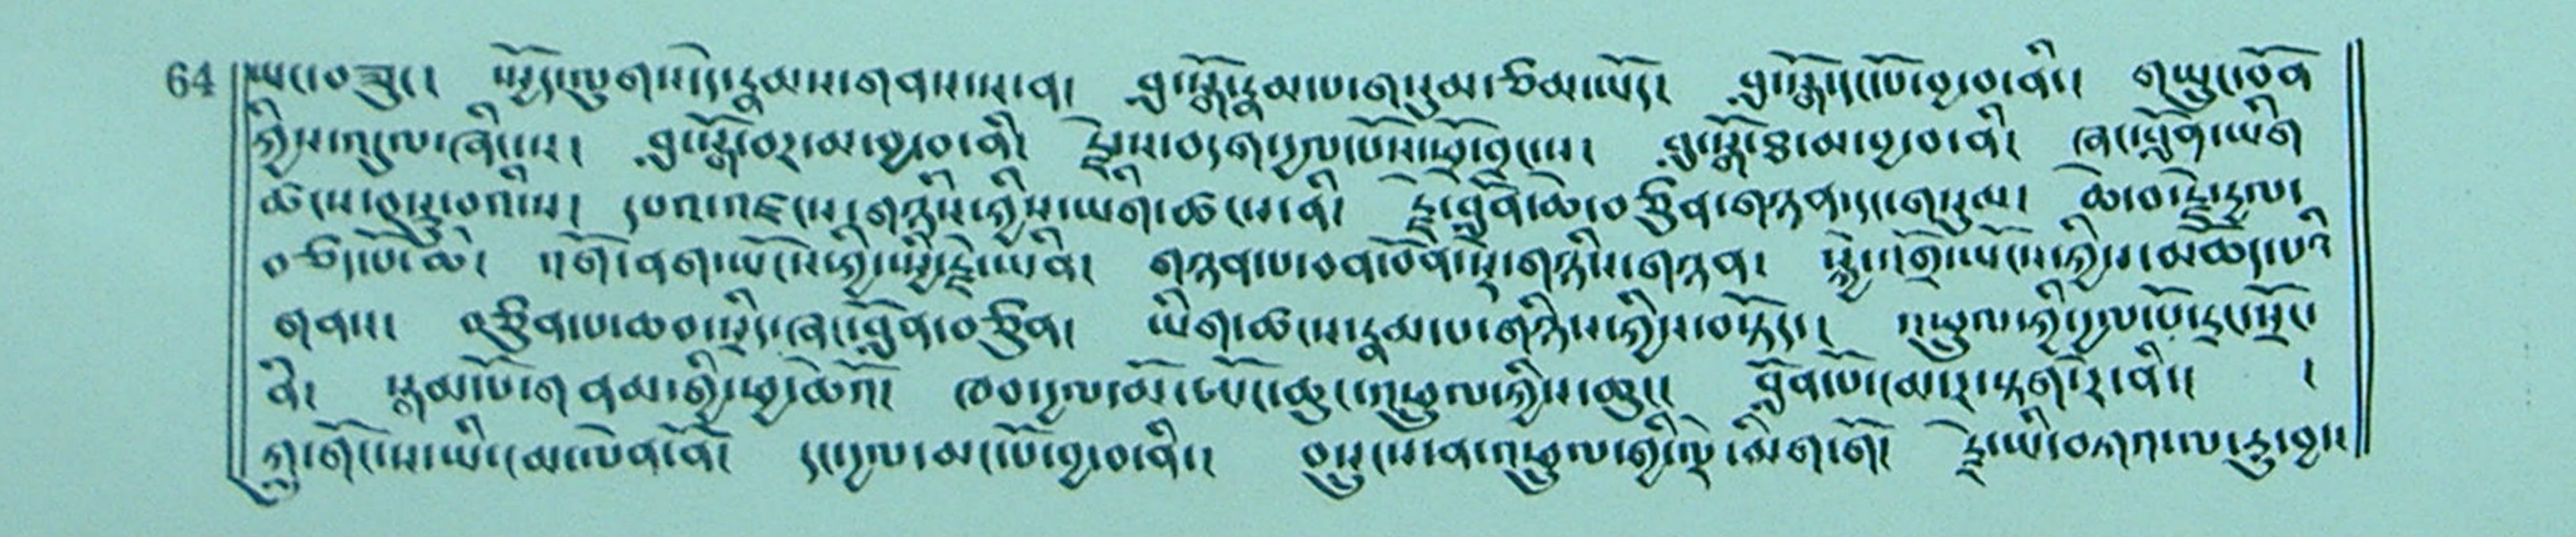ཡང་བཟུངས། སྤྱོད་ལུགས་དེ་རྣམས་གནས་ས་ན། བླ་སྒོ་རྣམ་པ་གསུམ་ཙམ་ཡོད། བླ་སྒོ་དང་པོ་བྱ་བ་ནི། གཡུང་དྲུང་བོན་
གྱིས་འདུལ་ཞིང་ས། བླ་སྒོ་བར་མ་བྱ་བ་ནི། རྗེ་ས་བདག་རྒྱལ་བོའི་ཕོ་བྲང་ས། བླ་སྒོ་ཐ་མ་བྱ་བ་ནི། ཞང་བློན་ཡིག་
ཚང་བསྡུ་བའི་ས། དཔའ་འཛངས་གཉིས་ཀྱི་ཡིག་ཚངས་ནི། རྗེ་བློན་ཆེ་བཙུན་གཉན་དང་གསུམ། ཆེ་བ་རྗེ་རྒྱལ་
བཙད་པོ་ཆེ། མགོ་ནག་ཡོངས་ཀྱི་སྤྱི་རྗེ་ཡིན། གཉན་པ་བན་བོན་སྡེ་གཉིས་གཉན། སྐྱེ་འགྲོ་ཡོངས་ཀྱི་མཆོད་པའི་
གནས། བཙུན་པ་ཆབ་སྲིད་ཞང་བློན་བཙུན། ཡིག་ཚང་རྣམ་པ་གཉིས་ཀྱིས་བསྟོད། འཕྲུལ་གྱི་རྒྱལ་བོ་དྲང་སྲོང་
ནི། སྒམ་པོ་གནམ་གྱི་ཕྱ་ཆེའོ། ཁབ་རྒྱལ་མོ་ཨོང་ཆུང་འཕྲུལ་གྱིས་ཆུང་། བློན་པོ་ངམ་ར་སྟག་ར་ནི། 
ཀླུ་གོང་ས་ཡི་ངམ་ལེན་ནོ། །རང་རྒྱལ་མང་པོ་བྱ་བ་ནི། བསྲུངས་ནི་འཕྲུལ་གྱི་ལྡེ་མིག་གོ །རྗེ་ཡི་བཀའ་ལ་རྒྱུ་བྱས་